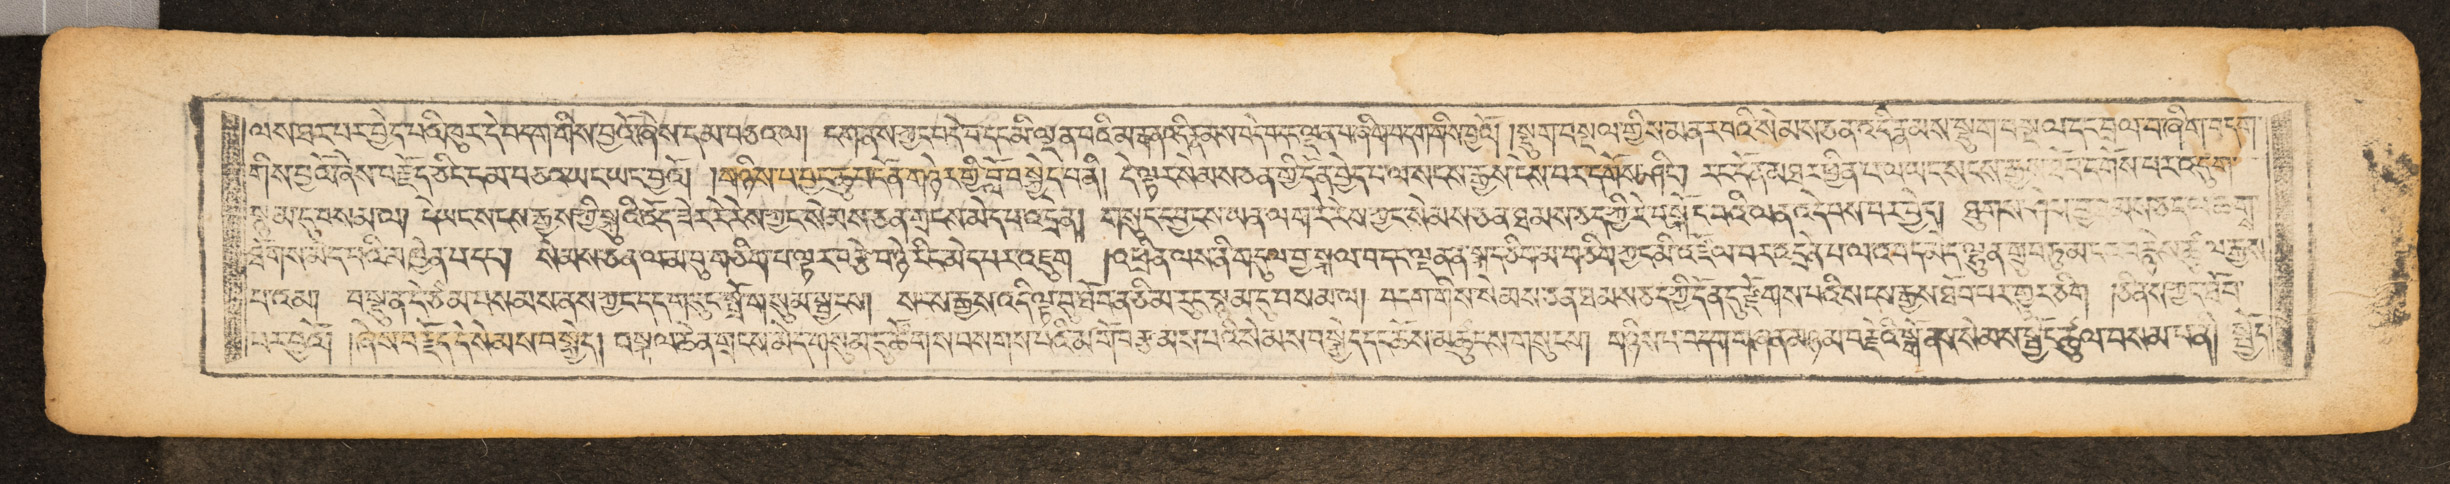ལས་ཐར་བར་བྱེད་པའི་ཁུར་དེ་བདག་གིས་བྱའོ་ཞེས་དམ་བཅའ་ལ། ངག་ནས་ཀྱང་བདེ་བ་དང་མི་ལྡན་པའི་མརྒན་འདི་རྣམས་བདེ་བ་དང་ལྡན་པ་ཞིག་བདག་གིས་བྱའོ། །སྡུག་བསྔལ་གྱིས་མནར་བའི་སེམས་ཅན་འདི་རྣམས་སྡུག་བསྔལ་དང་བྲལ་བ་ཞིག་བདག་
གིས་བྱའོ་ཞེས་བརྗོད་ཅིང་དམ་བཅའ་ཡང་ཡང་བྱའོ། །གཉིས་པ་བྱང་ཆུབ་དོན་གཉེར་གྱི་བློ་བསྐྱེད་བ་ནི། དེ་ལྟར་སེམས་ཅན་གྱི་དོན་བྱེད་པ་ལ་སངས་རྒྱས་ངེས་པར་དགོས་ཤིང་། རང་དོན་མཐར་ཕྱིན་པ་ལ་ཡང་སངས་རྒྱས་ཐོབ་དགོས་པར་འདུག་
སྙམ་དུ་བསམ་ལ། དེ་ཡང་སངས་རྒྱས་ཀྱི་སྐུའི་འོད་ཟེར་རེ་རེས་ཀྱང་སེམས་ཅན་གྲངས་མེད་པ་འདྲེན། གསུང་དབྱངས་ཡན་ལག་རེ་རེས་ཀྱང་སེམས་ཅན་ཐམས་ཅད་ཀྱི་རེ་བསྐོང་བའི་ལན་འདེབས་པར་བྱེད། ཐུགས་ཤེས་བྱ་ཐམས་ཅད་ལ་ཆགས་
ཐོགས་མེད་པའི་མཁྱེན་པ་དང་། སེམས་ཅན་ལ་མ་བུ་གཅིག་པ་ལྟར་བརྩེ་བ་ཉེ་རིང་མེད་པར་འདུག །འཕྲིན་ལས་ནི་གདུལ་བྱ་སྐལ་བ་དང་ལྡན་ན་སྐད་ཅིག་མ་གཅིག་ཀྱང་མི་འཛོལ་བར་འདྲེན་པ་ལ་འབད་མེད་ལྷུན་གྲུབ་ཏུ་མདའ་བརྙེས་ཚུལ་རྒྱས་
པའམ། བསྡུ་ན་དེ་ཙམ་བསམས་ནས་ཀྱང་དད་གདུང་སྤྲོ་གསུམ་སྦྱངས། སངས་རྒྱས་འདི་ལྟ་བུ་ཐོབ་ན་ཅི་མ་རུང་སྙམ་དུ་བསམ་ལ། བདག་གིས་སེམས་ཅན་ཐམས་ཅད་ཀྱི་དོན་དུ་རྫོགས་པའི་སངས་རྒྱས་ཐོབ་པར་གྱུར་ཅིག །ཅི་ནས་ཀྱང་ཐོབ་
པར་བྱའོ། །ཞེས་བརྗོད་དེ་སེམས་བསྐྱེད། བསྐལ་ཆེན་གྲངས་མེད་གསུམ་དུ་ཚོགས་བསགས་པའི་མགོ་བརྩམས་པའི་སེམས་བསྐྱེད་དང་ཆོས་མཚུངས་གསུངས། གཉིས་པ་བདག་གཞན་མཉམ་བརྗེའི་སྒོ་ནས་སེམས་སྦྱོང་ཚུལ་བསམ་པ་ནི། སྤྱོད་